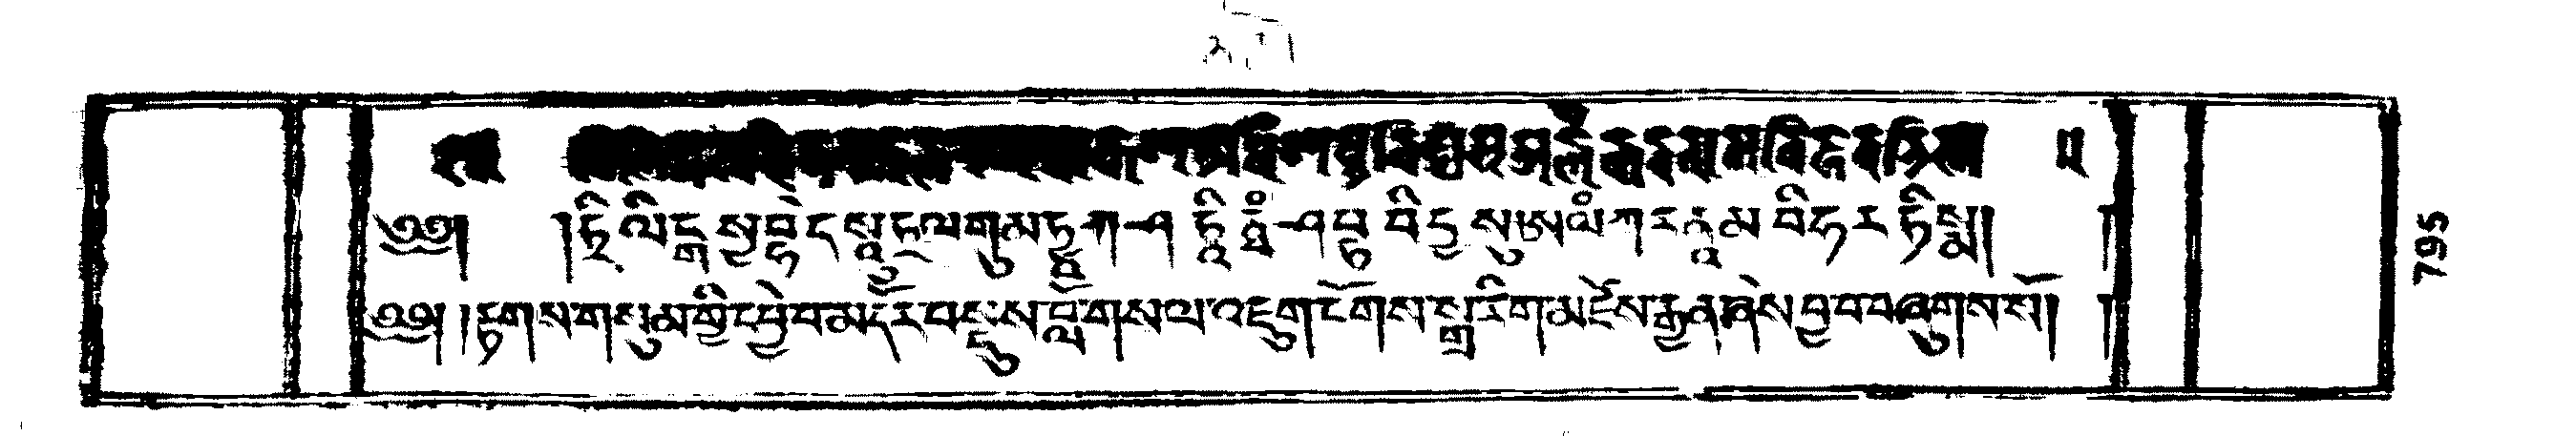༄༅། །ཏྲི་ལིངྒ་སྱ་བྷེད་སཱུ་ཏྲ་ལ་གུམ་ཏྱཱུ་ཀ་ཤ་ཏཱི་ཏཾ?་ཤ་པྟ་བི་དྱ་སུ་ཨ་ལཾ་ཀ་ར་ནཱ་མ་བི་ཧར་ཏི་སྨ།
༄༅། །རྟགས་གསུམ་གྱི་དབྱེ་བ་མདོར་བསྡུས་བློ་གསལ་འཇུག་ངོགས་སྒྲ་རིག་མཛེས་རྒྱན་ཞེས་བྱ་བ་བཞུགས་སོ། །